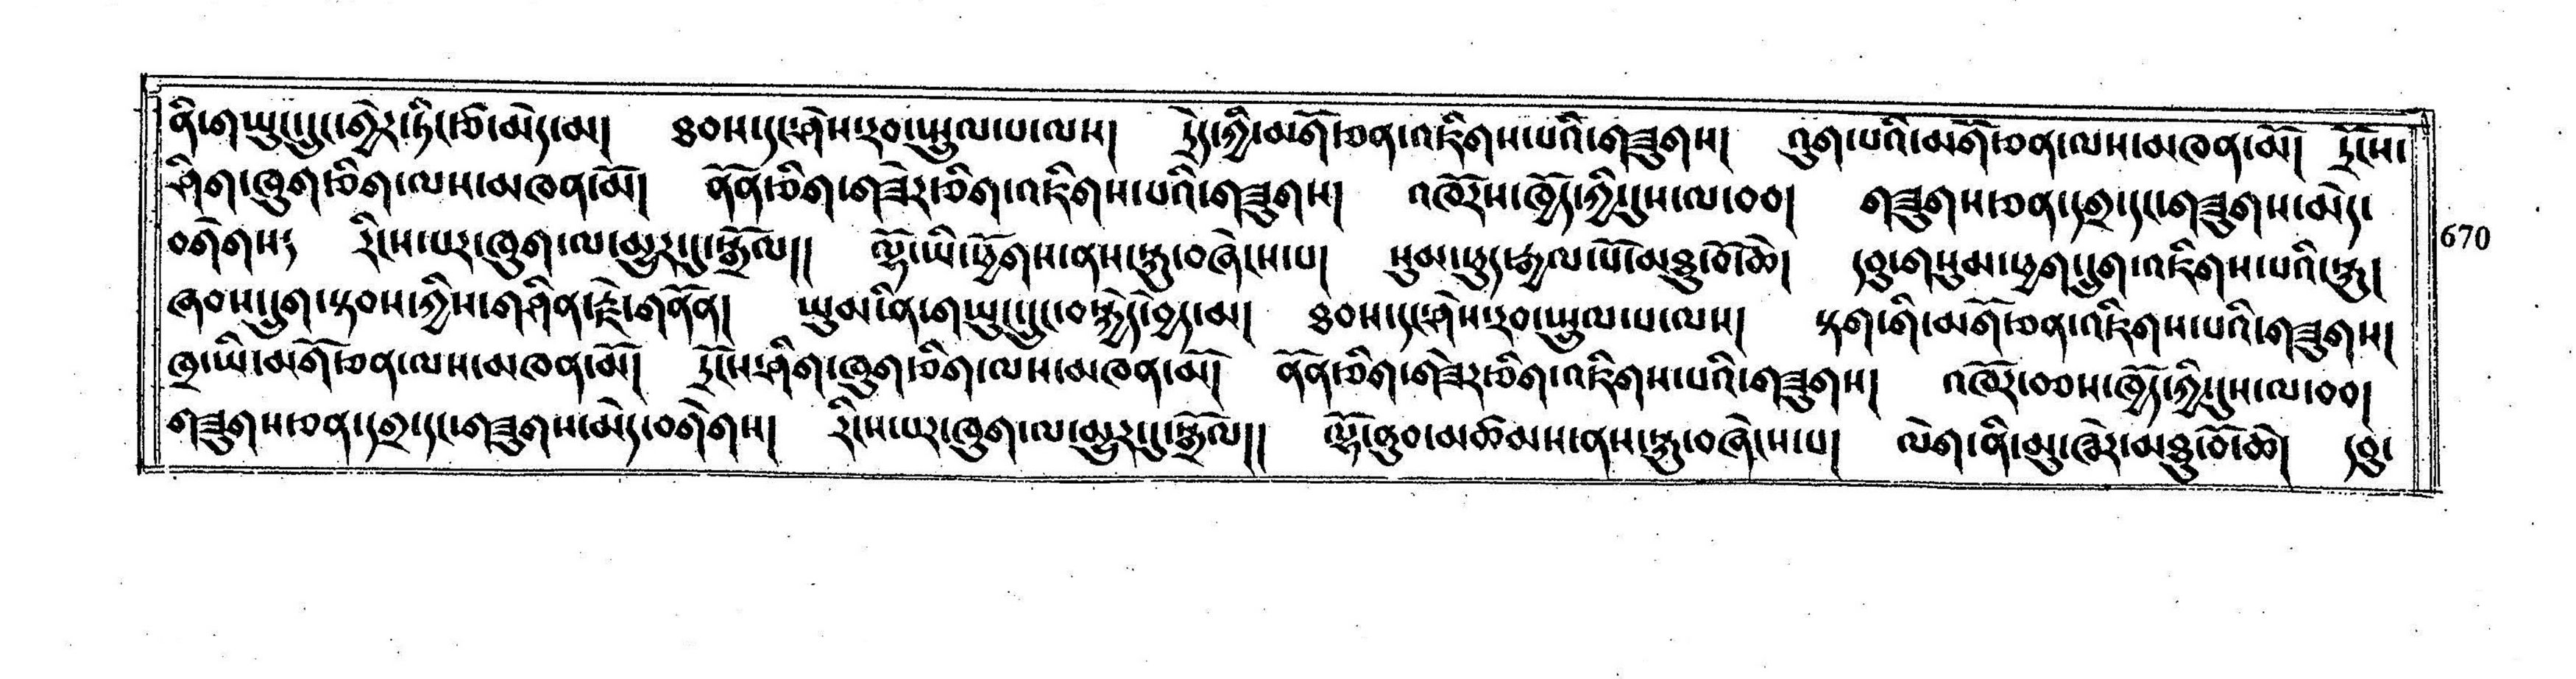ནི་གཡུང་དྲུང་གྱེར་ཏིང་ཙ་མེད་མ། ཐབས་དང་ཤེས་རབ་སྤྲུལ་པ་ལས། དྲེད་ཀྱི་མགོ་ཅན་འཇིགས་པའི་གཟུགས། འུག་པའི་མགོ་ཅན་ལས་མཁན་མོ། དྲོངས་
ཤིག་ཁུག་ཅིག་ལས་མཁན་མོ། ནོན་ཅིག་གཟེར་ཅིག་འཇིགས་པའི་གཟུགས། འཁོར་བཅས་ཁྱོད་ཀྱི་དུས་ལ་བབ། གཟུགས་ཅན་དགྲ་དང་གཟུགས་མེད་
བགེགས། རིངས་པར་ཁུག་ལ་མྱུར་དུ་སྒྲོལ།། ལྷོ་ཡི་ཕྱོགས་ནས་སྐུ་བཞེངས་པ། སུམ་ཕུད་རྒྱལ་པོ་མཐུ་བོ་ཆེ། དབུ་གསུམ་ཕྱག་དྲུག་འཇིགས་པའི་སྐུ། 
ཞབས་དྲུག་སྟབས་ཀྱིས་གཤིན་རྗེ་གནོན། ཡུམ་ནི་གཡུང་དྲུང་བསྐྱེད་བྱེད་མ། ཐབས་དང་ཤེས་རབ་སྤྲུལ་པ་ལས། སྟག་གི་མགོ་ཅན་འཇིགས་པའི་གཟུགས། 
ཁྲ་ཡི་མགོ་ཅན་ལས་མཁན་མོ། དྲོངས་ཤིག་ཁུག་ཅིག་ལས་མཁན་མོ། ནོན་ཅིག་གཟེར་ཅིག་འཇིགས་པའི་གཟུགས། འཁོར་བཅས་ཁྱོད་ཀྱི་དུས་ལ་བབ། 
གཟུགས་ཅན་དགྲ་དང་གཟུགས་མེད་བགེགས། རིངས་པར་ཁུག་ལ་མྱུར་དུ་སྒྲོལ།། ལྷོ་ནུབ་མཚམས་ནས་སྐུ་བཞེངས་པ། ལེག་ནི་མུ་ཝེར་མཐུ་བོ་ཆེ། དབུ་